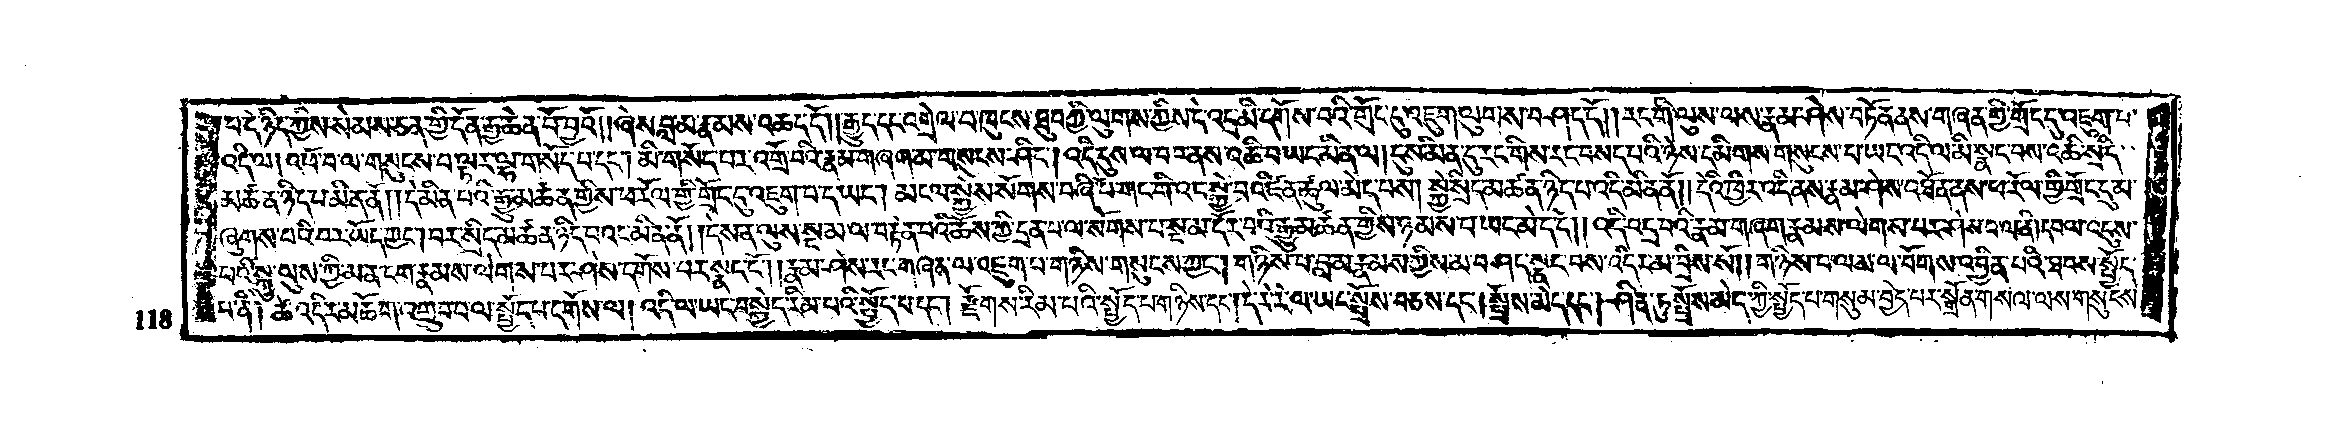བ་དེ་ཉིད་ཀྱིས་སེམས་ཅན་གྱི་དོན་རྒྱ་ཆེན་པོ་བྱའོ། །ཞེས་བླ་མ་རྣམས་འཆད་དོ། །རྒྱུད་དང་འགྲེལ་པ་ཁུངས་ཐུབ་ཀྱི་ལུགས་ཀྱིས་དེ་འདྲ་མི་དགོས་པའི་གྲོང་དུ་འཇུག་ལུགས་བཤད་དོ། །རང་གི་ལུས་ལས་རྣམ་ཤེས་བཏོན་ནས་གཞན་གྱི་གྲོང་དུ་འཇུག་པ་
འདི་ལ། འཕོ་བ་ལ་གསུངས་པ་ལྟར་ལང་གསོད་པ་དང་། མི་གསོད་པར་འགྲོ་བའི་རྣམ་གཞག་མ་གསུངས་ཤིང་། འདི་དུས་ལ་བབ་ནས་འཆི་བ་ཡང་མིན་ལ། དུས་མིན་དུ་རང་གིས་རང་བསད་པའི་ཉེས་དམིགས་གསུངས་པ་ཡང་འདི་ལ་མི་སྣང་བས་འཆི་སྲིད་
མཚན་ཉིད་པ་མིན་ནོ། །དེ་མིན་པའི་རྒྱུ་མཚན་གྱིས་ཕ་རོལ་གྱི་གྲོང་དུ་འཇུག་པ་དེ་ཡང་། མངལ་སྐྱེས་སོགས་བཞི་པོ་གང་གི་འང་སྐྱེ་བ་འཛིན་ཚུལ་མེད་པས། སྐྱེ་སྲིད་མཚན་ཉིད་པ་འདི་མིན་ནོ། །དེའི་ཕྱིར་འདི་ནས་རྣམ་ཤེས་འཐོན་ནས་ཕ་རོལ་གྱི་གྲོང་དུ་མ་
ཞུགས་པའི་བར་ཡོད་ཀྱང་། བར་སྲིད་མཚན་ཉིད་པའང་མིན་ནོ། །དེས་ན་ལུས་སྔ་མ་ལ་བརྟེན་པའི་ཆོས་ཀྱི་དྲན་པ་ལ་སོགས་པ་སྔ་མ་དོར་བའི་རྒྱུ་མཚན་གྱིས་ཉམས་པ་ཡང་མེད་དོ། །འདི་འདྲ་བའི་རྣམ་གཞག་རྣམས་ལེགས་པར་ཤེས་པ་ལ་ནི། དཔལ་འདུས་
པའི་སྒྱུ་ལུས་ཀྱི་མན་ངག་རྣམས་ལེགས་པར་ཤེས་དགོས་པར་སྣང་ངོ། །རྣམ་ཤེས་རང་གཞན་ལ་འཇུག་པ་གཉིས་གསུངས་ཀྱང་། གཉིས་པ་བླ་མ་རྣམས་ཀྱིས་མ་བཤད་སྣང་བས་འདིར་མ་བྲིས་སོ། །གཉིས་པ་ལམ་ལ་བོགས་འབྱིན་པའི་ཐབས་སྤྱོད་
པ་ནི། ཚེ་འདིར་མཆོག་འགྲུབ་པ་ལ་སྤྱོད་པ་དགོས་ལ། འདི་ལ་ཡང་བསྐྱེད་རིམ་པའི་སྤྱོད་པ་དང་། རྫོགས་རིམ་པའི་སྤྱོད་པ་གཉིས་དང་། དེ་རེ་རེ་ལ་ཡང་སྤྲོས་བཅས་དང་། སྤྲོས་མེད་དང་། ཤིན་ཏུ་སྤྲོས་མེད་ཀྱི་སྤྱོད་པ་གསུམ་བྱེད་པར་སྒྲོན་གསལ་ལས་གསུངས་